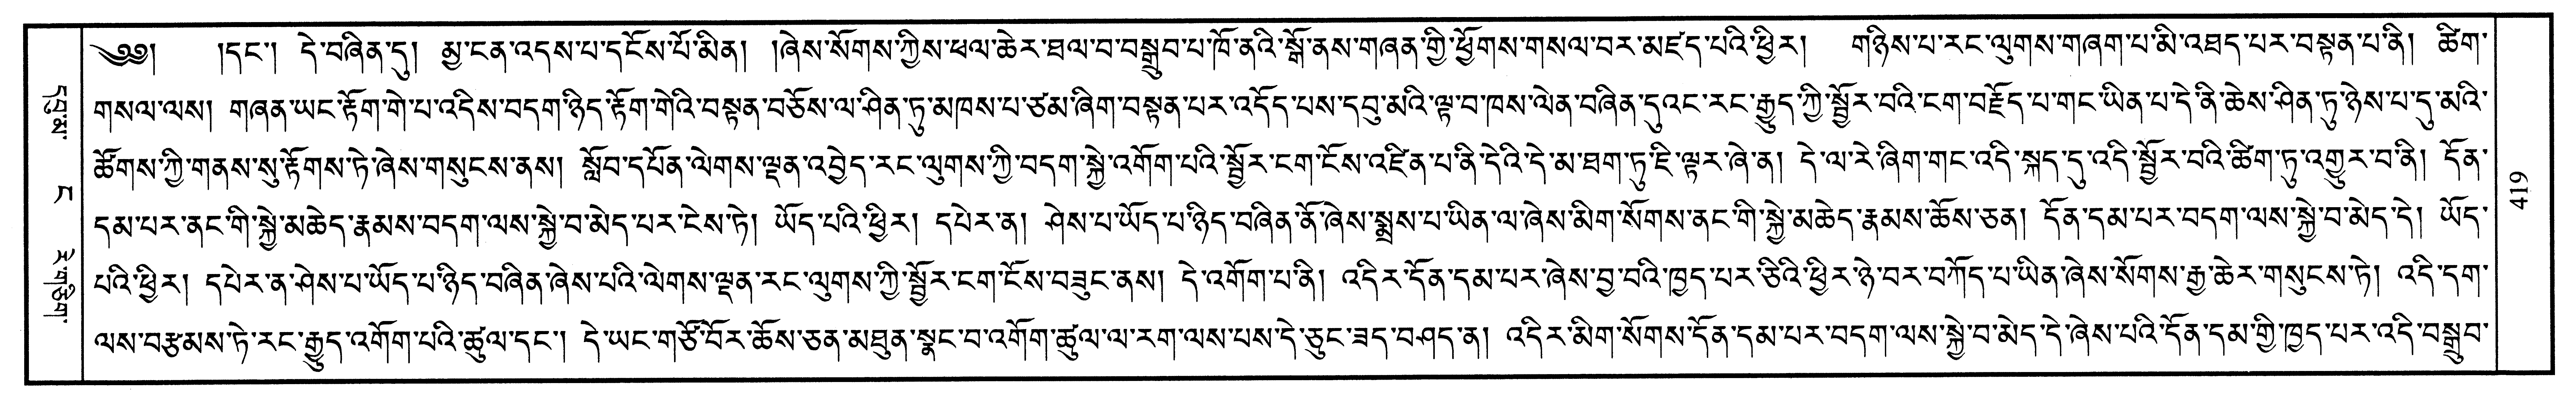༄༅། །དང་། དེ་བཞིན་དུ། མྱ་ངན་འདས་པ་དངོས་པོ་མིན། །ཞེས་སོགས་ཀྱིས་ཕལ་ཆེར་ཐལ་བ་བསྒྲུབ་པ་ཁོ་ནའི་སྒོ་ནས་གཞན་གྱི་ཕྱོགས་གསལ་བར་མཛད་པའི་ཕྱིར། གཉིས་པ་རང་ལུགས་གཞག་པ་མི་འཐད་པར་བསྟན་པ་ནི། ཚིག་
གསལ་ལས། གཞན་ཡང་རྟོག་གེ་པ་འདིས་བདག་ཉིད་རྟོག་གེའི་བསྟན་བཅོས་ལ་ཤིན་ཏུ་མཁས་པ་ཙམ་ཞིག་བསྟན་པར་འདོད་པས་དབུ་མའི་ལྟ་བ་ཁས་ལེན་བཞིན་དུའང་རང་རྒྱུད་ཀྱི་སྦྱོར་བའི་ངག་བརྗོད་པ་གང་ཡིན་པ་དེ་ནི་ཆེས་ཤིན་ཏུ་ཉེས་པ་དུ་མའི་
ཚོགས་ཀྱི་གནས་སུ་རྟོགས་ཏེ་ཞེས་གསུངས་ནས། སློབ་དཔོན་ལེགས་ལྡན་འབྱེད་རང་ལུགས་ཀྱི་བདག་སྐྱེ་འགོག་པའི་སྦྱོར་ངག་ངོས་འཛིན་པ་ནི་དེའི་དེ་མ་ཐག་ཏུ་ཇི་ལྟར་ཞེ་ན། དེ་ལ་རེ་ཞིག་གང་འདི་སྐད་དུ་འདི་སྦྱོར་བའི་ཚིག་ཏུ་འགྱུར་བ་ནི། དོན་
དམ་པར་ནང་གི་སྐྱེ་མཆེད་རྣམས་བདག་ལས་སྐྱེ་བ་མེད་པར་ངེས་ཏེ། ཡོད་པའི་ཕྱིར། དཔེར་ན། ཤེས་པ་ཡོད་པ་ཉིད་བཞིན་ནོ་ཞེས་སྨྲས་པ་ཡིན་ལ་ཞེས་མིག་སོགས་ནང་གི་སྐྱེ་མཆེད་རྣམས་ཆོས་ཅན། དོན་དམ་པར་བདག་ལས་སྐྱེ་བ་མེད་དེ། ཡོད་
པའི་ཕྱིར། དཔེར་ན་ཤེས་པ་ཡོད་པ་ཉིད་བཞིན་ཞེས་པའི་ལེགས་ལྡན་རང་ལུགས་ཀྱི་སྦྱོར་ངག་ངོས་བཟུང་ནས། དེ་འགོག་པ་ནི། འདིར་དོན་དམ་པར་ཞེས་བྱ་བའི་ཁྱད་པར་ཅིའི་ཕྱིར་ཉེ་བར་བཀོད་པ་ཡིན་ཞེས་སོགས་རྒྱ་ཆེར་གསུངས་ཏེ། འདི་དག་
ལས་བརྩམས་ཏེ་རང་རྒྱུད་འགོག་པའི་ཚུལ་དང་། དེ་ཡང་གཙོ་བོར་ཆོས་ཅན་མཐུན་སྣང་བ་འགོག་ཚུལ་ལ་རག་ལས་པས་དེ་ཅུང་ཟད་བཤད་ན། འདིར་མིག་སོགས་དོན་དམ་པར་བདག་ལས་སྐྱེ་བ་མེད་དེ་ཞེས་པའི་དོན་དམ་གྱི་ཁྱད་པར་འདི་བསྒྲུབ་